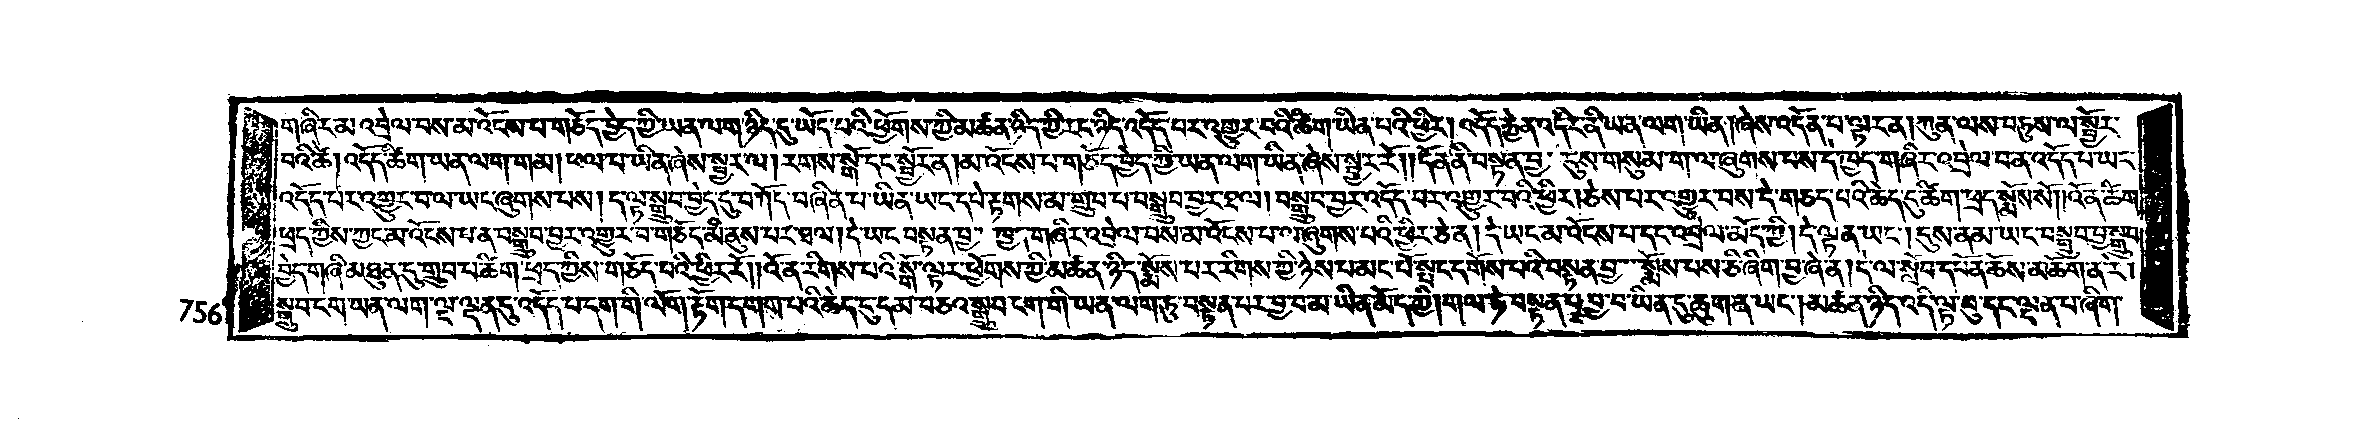གཞིར་མ་འབྲེལ་བས་མ་འོངས་པ་གཅོད་བྱེད་ཀྱི་ཡན་ལག་ཉིད་དུ་ཡོད་པའི་ཕྱོགས་ཀྱི་མཚན་ཉིད་ཀྱི་རང་ཉིད་འདོད་པར་འགྱུར་བའི་ཚིག་ཡིན་པའི་ཕྱིར། འདོད་རྐྱེན་འདིར་ནི་ཡན་ལག་ཡིན། ཞེས་འདོན་པ་ལྟར་ན། ཀུན་ལས་བཏུས་ལ་སྦྱོར་
བའི་ཚེ། འདོད་ཚིག་ཡན་ལག་གམ། ཕལ་པ་ཡིན་ཞེས་སྦྱར་ལ། རིགས་སྒོ་དང་སྦྱོར་ན། མ་འོངས་པ་གཅོད་བྱེད་ཀྱི་ཡན་ལག་ཡིན་ཞེས་སྦྱར་རོ། །དོན་ནི་བསྟན་བྱ་དུས་གསུམ་ག་ལ་ཞུགས་པས་དེ་ཁྱད་གཞིར་འབྲེལ་བ་ན་འདོད་པ་ཡང་
འདོད་པར་འགྱུར་བ་ལ་ཡང་ཞུགས་པས། ད་ལྟ་སྒྲུབ་བྱེད་དུ་བཀོད་བཞིན་པ་ཡིན་ཡང་དཔེ་རྟགས་མ་གྲུབ་པ་བསྒྲུབ་བྱར་ཐལ། བསྒྲུབ་བྱར་འདོད་པར་འགྱུར་བའི་ཕྱིར། ཅེས་པར་འགྱུར་བས་དེ་གཅད་པའི་ཆེད་དུ་ཚིག་ཕྲད་སྨོས་སོ། །འོ་ན་ཚིག་
ཕྲད་ཀྱིས་ཀྱང་མ་འོངས་ཕན་བསྒྲུབ་བྱར་འགྱུར་བ་གཅོད་མི་ནུས་པར་ཐལ། དེ་ཡང་བསྟན་བྱ་ཁྱད་གཞིར་འབྲེལ་བས་མ་འོངས་པ་ལ་ཞུགས་པའི་ཕྱིར་ཅེ་ན། དེ་ཡང་མ་འོངས་པ་དང་འབྲེལ་ཡོད་ཀྱི། དེ་ལྟ་ན་ཡང་། དུས་ནམ་ཡང་བསྒྲུབ་བྱ་སྒྲུབ་
བྱེད་གཞི་མཐུན་དུ་གྲུབ་པ་ཚིག་ཕྲད་ཀྱིས་གཅོད་པའི་ཕྱིར་རོ། །འོ་ན་རིགས་པའི་སྒོ་ལྟར་ཕྱོགས་ཀྱི་མཚན་ཉིད་སྨོས་པར་རིགས་ཀྱི་ཉེས་པ་མང་པོ་སྤང་དགོས་པའི་བསྟན་བྱ་སྨོས་པས་ཅི་ཞིག་བྱ་ཞེ་ན། དེ་ལ་སློབ་དཔོན་ཆོས་མཆོག་ན་རེ།
སྒྲུབ་ངག་ཡན་ལག་ལྔ་ལྡན་དུ་འདོད་པ་དག་གི་ལོག་རྟོག་དགག་པའི་ཆེད་དུ་དམ་བཅའ་སྒྲུབ་ངག་གི་ཡན་ལག་ཏུ་བསྟན་པར་བྱ་བ་མ་ཡིན་མོད་ཀྱི། གལ་ཏེ་བསྟན་པར་བྱ་བ་ཡིན་དུ་ཆུག་ན་ཡང་། མཚན་ཉིད་འདི་ལྟ་བུ་དང་ལྡན་པ་ཞིག་